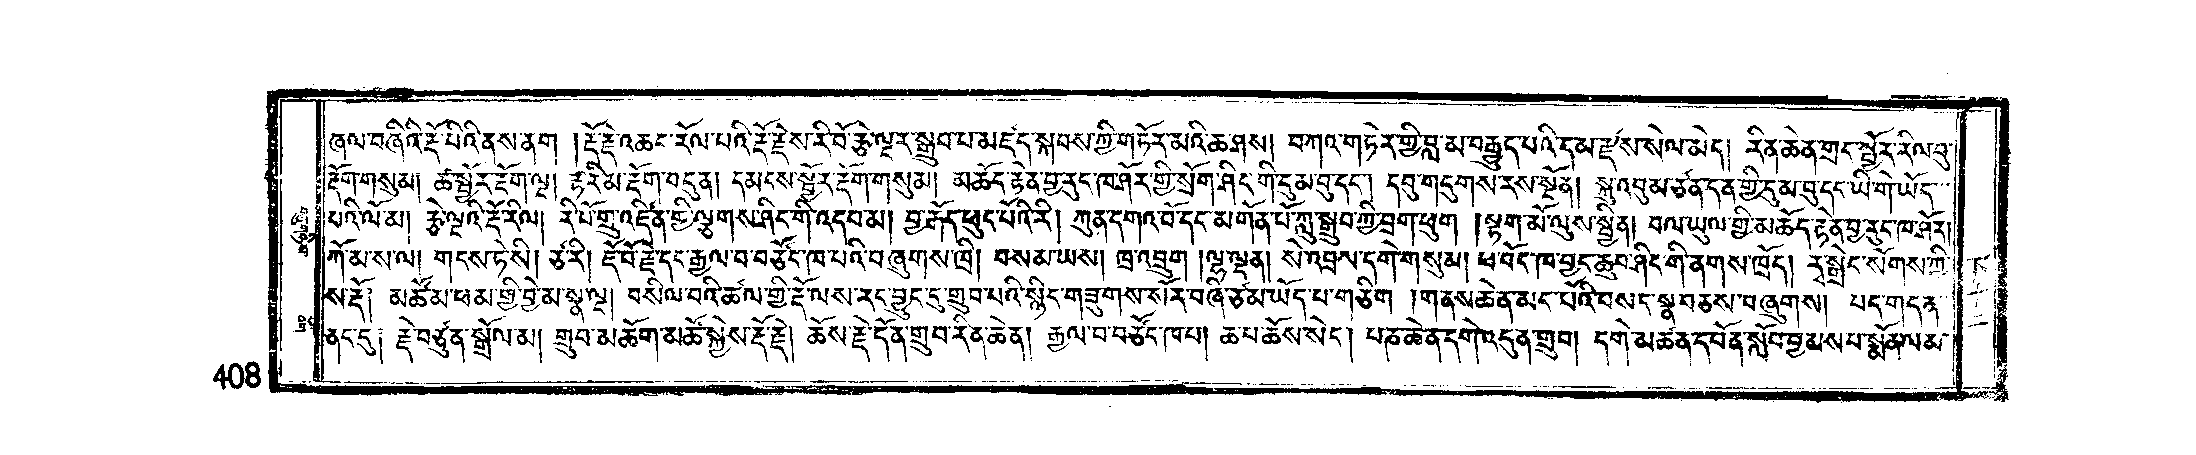ཞལ་བཞིའི་རྡོ་པིའི་ནས་ནག །རྡོ་རྗེ་འཆང་རོལ་པའི་རྡོ་རྗེས་རི་བོ་རྩེ་ལྔར་སྒྲུབ་པ་མཛད་སྐབས་ཀྱི་གཏོར་མའི་ཆ་ཤས། བཀའ་གཏེར་གྱི་བླ་མ་བརྒྱུད་པའི་དམ་རྫས་སེལ་མེད། རིན་ཆེན་གྲང་སྦྱོར་རིལ་བུ་
རྡོག་གསུམ། ཚ་སྦྱོར་རྡོག་ལྔ། རྟ་རི་མ་རྡོག་བདུན། དམངས་སྦྱོར་རྡོག་གསུམ། མཆོད་རྟེན་བྱ་རུང་ཁ་ཤོར་གྱི་སྲོག་ཤིང་གི་དུམ་བུ་དང་། དབུ་གདུགས་རས་སྔོན། སྐུ་འབུམ་ཙན་དན་གྱི་དུ་མ་བུ་དང་ཡི་གེ་ཡོད་
པའི་ལོ་མ། རྩེ་ལྔའི་རྡོ་རིལ། རི་པོ་གྲུ་འཛིན་གྱི་ལྕགས་ཤིང་གི་འདབ་མ། བྱ་རྒོད་ཕུང་པོའི་རི། ཀུན་དགའ་བོ་དང་མགོན་པོ་ཀླུ་སྒྲུབ་ཀྱི་བྲག་ཕུག །སྟག་མོ་ལུས་སྦྱིན། བལ་ཡུལ་གྱི་མཆོད་རྟེན་བྱ་རུང་ཁ་ཤོར།
ཀོ་མ་ས་ལ། གངས་ཏེ་སི། ཙ་རི། ཇོ་བོ་རྗེ་དང་རྒྱལ་བ་བཙོང་ཁ་པའི་བཞུགས་ཁྲི། བསམ་ཡས། ཁྲ་འབྲུག །ལྷ་ལྡན། སེ་འབྲས་དགེ་གསུམ། ཕ་བོང་ཁ་བྱང་ཆུབ་ཤིང་གི་ནགས་ཁྲོད། རྭ་སྒྲེང་སོགས་ཀྱི་
ས་རྡོ། མཚོ་མ་ཕམ་གྱི་བྱེ་མ་སྣ་ལྔ། བསིལ་བའི་ཚལ་གྱི་རྡོ་ལས་རང་བྱུང་དུ་གྲུབ་པའི་སྙིང་གཟུགས་སོར་བཞི་ཙམ་ཡོད་པ་གཅིག །གནས་ཆེན་མང་པོའི་བསང་སྣ་བཅས་བཞུགས། པད་གདན་
ནང་དུ། རྗེ་བཙུན་སྒྲོལ་མ། གྲུབ་མཆོག་མཚོ་སྐྱེས་རྡོ་རྗེ། ཆོས་རྗེ་དོན་གྲུབ་རིན་ཆེན། རྒྱལ་བ་བཙོང་ཁ་པ། ཆ་པ་ཆོས་སེང་། པཎ་ཆེན་དགེ་འདུན་གྲུབ། དགེ་མཚན་དཔོན་སློབ་བྱམས་པ་སྨོན་ལམ་